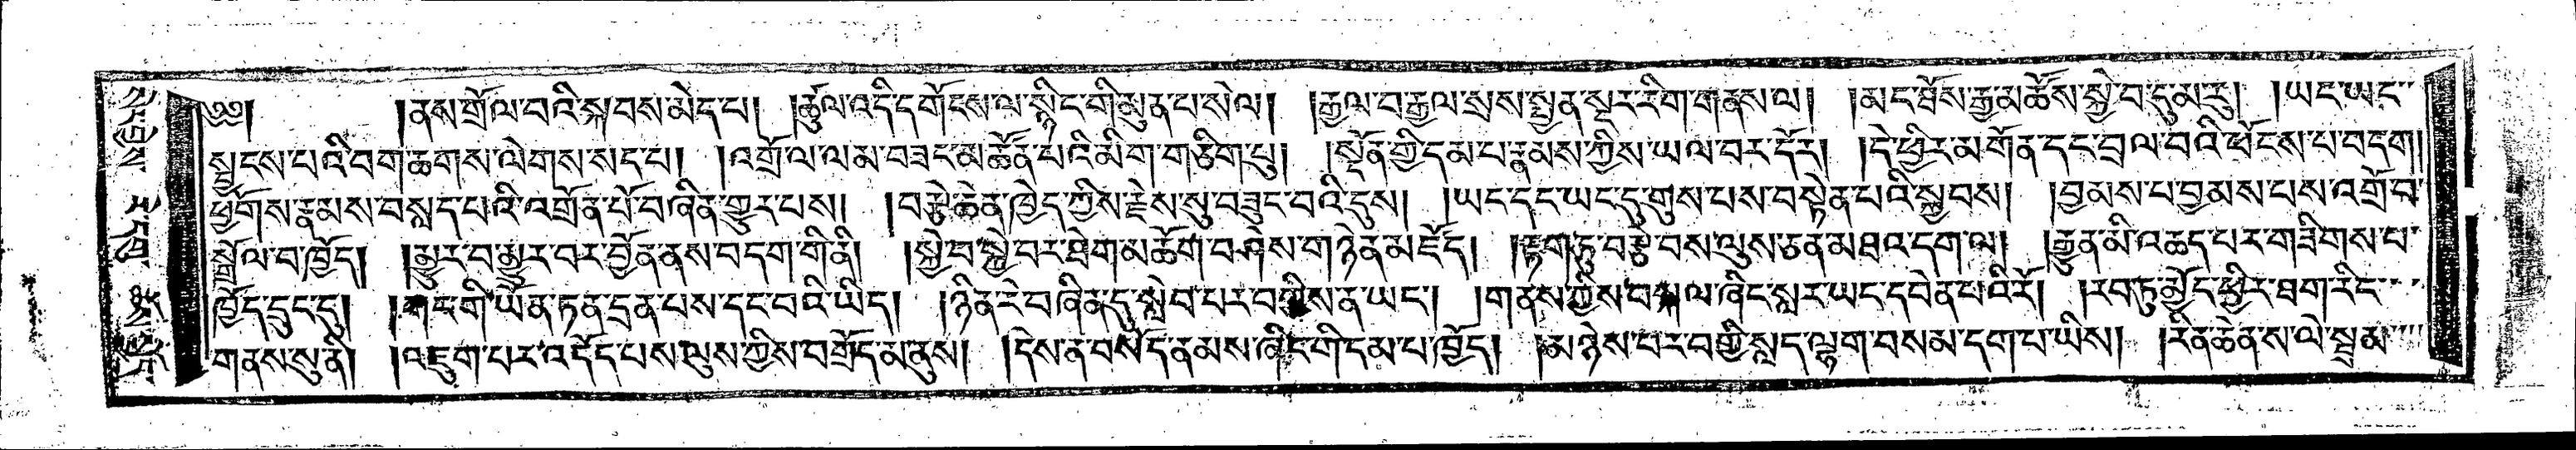༄༅། །ནས་གྲོལ་བའི་སྐབས་མེད་པ། །ཚུལ་འདི་དགོངས་ལ་སྙིང་གི་མུན་པ་སེལ། །རྒྱལ་བ་རྒྱལ་སྲས་སྤྱན་སྔར་རིག་གནས་ལ། །མང་ཐོས་རྒྱ་མཚོས་སྐྱེ་བ་དུ་མ་རུ། །ཡང་ཡང་
སྦྱངས་པའི་བག་ཆགས་ལེགས་སད་པ། །འགྲོ་ལ་ལམ་བཟང་མཚོན་པའི་མིག་གཅིག་པུ། །སྔོན་གྱི་དམ་པ་རྣམས་ཀྱིས་ཡལ་བར་དོར། །དེ་ཕྱིར་མགོན་དང་བྲལ་བའི་ཕོངས་པ་བདག།
ཕྱོགས་རྣམས་བསླད་པའི་འགྲོན་པོ་བཞིན་གྱུར་པས། །བརྩེ་ཆེན་ཁྱེད་ཀྱིས་རྗེས་སུ་བཟུང་བའི་དུས། །ཡང་དང་ཡང་དུ་གུས་པས་བསྟེན་པའི་སྐྱབས། །བྱམས་པ་བྱམས་པས་འགྲོ་བ་
སྒྲོལ་བ་ཁྱོད། །མྱུར་བ་མྱུར་བར་བྱོན་ནས་བདག་གི་ནི། །སྐྱེ་བ་སྐྱེ་བར་ཐེག་མཆོག་བཤེས་གཉེན་མཛོད། །རྟག་ཏུ་བརྩེ་བས་ལུས་ཅན་མཐའ་དག་ལ། །རྒྱུན་མི་འཆད་པར་གཟིགས་པ་
ཁྱོད་དྲུང་དུ། །གང་གི་ཡོན་ཏན་དྲན་པས་དང་བའི་ཡིད། །ཉིན་རེ་བཞིན་དུ་སླེབ་པར་བགྱིས་ན་ཡང་། །གནས་ཀྱིས་བསྐལ་ཞིང་སླར་ཡང་དབེན་པའི་རོ། །རབ་ཏུ་མྱོང་ཕྱིར་ཐག་རིང་
གནས་སུ་ནི། །འཇུག་པར་འདོད་པས་ལུས་ཀྱིས་བགྲོད་མ་ནུས། །དེས་ན་བསོད་ནམས་ཞིང་གི་དམ་པ་ཁྱོད། །མཉེས་པར་བགྱི་སླད་ལྷག་བསམ་དག་པ་ཡིས། །རིན་ཆེན་ས་ལེ་སྦྲམ་